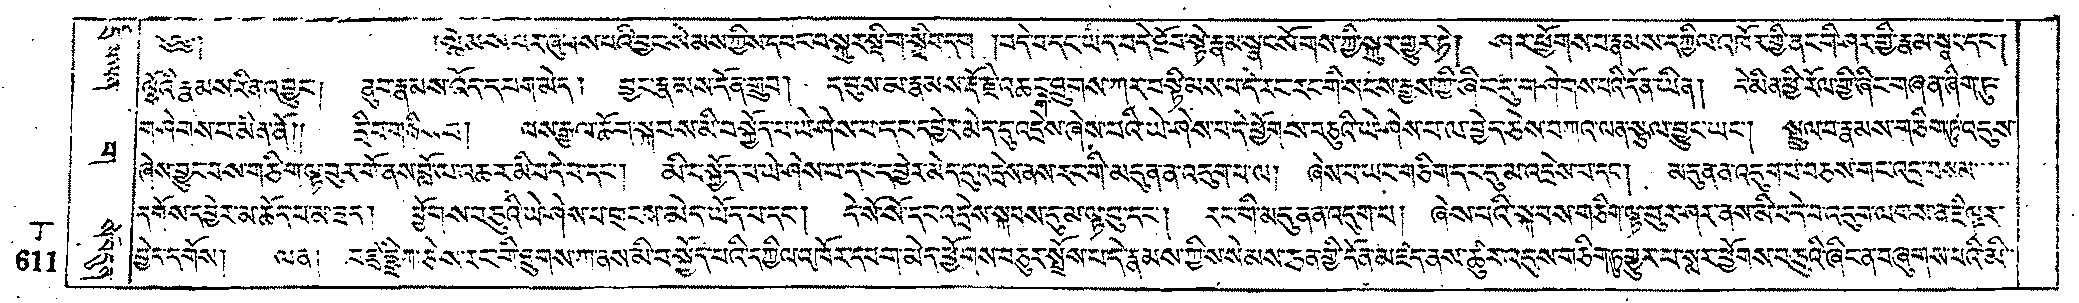༄༅། །སྙོམས་པར་ཞུགས་པའི་བྱང་སེམས་ཀྱིས་དབང་བསྐུར་སྡིག་སྒྲིབ་དག །བདེ་བ་དང་ཡིད་བདེ་ཐོབ་སྟེ་རྣམ་སྣང་སོགས་ཀྱི་སྐུར་གྱུར་ཏེ། ཤར་ཕྱོགས་པ་རྣམས་དཀྱིལ་འཁོར་གྱི་ནང་གི་ཤར་གྱི་རྣམ་སྣང་དང་།
ལྷོའི་རྣམས་རིན་འབྱུང་། ནུབ་རྣམས་འོད་དཔག་མེད། བྱང་རྣམས་དོན་གྲུབ། དབུས་མ་རྣམས་རྡོ་རྗེ་འཆང་གི་ཐུགས་ཀར་བསྟིམས་པ་དེ་རང་རང་གི་སངས་རྒྱས་ཀྱི་ཞིང་དུ་གཤེགས་པའི་དོན་ཡིན། དེ་མིན་ཕྱི་རོལ་གྱི་ཞིང་གཞན་ཞིག་ཏུ་
གཤེགས་པ་མིན་ནོ།། དྲི་བ་གཉིས་པ། ལས་རྒྱལ་ཆོག་སྐབས་མི་བསྐྱོད་པ་ཡེ་ཤེས་པ་དང་དབྱེར་མེད་དུ་འདྲེས་ཞེས་པའི་ཡེ་ཤེས་པ་དེ་ཕྱོགས་བཅུའི་ཡེ་ཤེས་པ་ལ་བྱེད་ཅེས་བཀའ་ལན་སྩལ་བྱུང་ཡང་། སྤྲུལ་པ་རྣམས་གཅིག་ཏུ་འདུས་
ཞེས་བྱུང་བས་གཅིག་ལྟ་བུར་གོ་ནས་བློ་ལ་འཆར་མི་བདེ་བ་དང་། མི་བསྐྱོད་པ་ཡེ་ཤེས་པ་དང་དབྱེར་མེད་དུ་འདྲེས་ནས་རང་གི་མདུན་ན་འདུག་པ་ལ། ཞེས་པ་ཡང་གཅིག་དང་དུ་མ་འདྲེས་པ་དང་། མདུན་ན་འདུག་པ་བཅས་གང་འདྲ་བསམ་་་
དགོས་དབྱེར་མཆོད་པ་མ་ཟད། ཕྱོགས་བཅུའི་ཡེ་ཤེས་པ་གྲངས་མེད་ཡོད་པ་དང་། དེ་སོ་སོ་དང་འདྲེས་སྐབས་དུ་མ་ལྟ་བུ་དང་། རང་གི་མདུན་ན་འདུག་པ། ཞེས་པའི་སྐབས་གཅིག་ལྟ་བུར་ཤར་ནས་མི་བདེ་བ་འདུག་ལགས་ན་ཇི་ལྟར་
བྱེད་དགོས། ལན། བཛྲདྷྲིཀ། ཅེས་རང་གི་ཐུགས་ཀ་ནས་མི་བསྐྱོད་པའི་དཀྱིལ་འཁོར་དཔག་མེད་ཕྱོགས་བཅུར་སྤྲོས་པ་དེ་རྣམས་ཀྱིས་སེམས་ཅན་གྱི་དོན་མཛད་ནས་ཚུར་འདུས་གཅིག་ཏུ་གྱུར་པ་སླར་ཕྱོགས་བཅུའི་ཞིང་ན་བཞུགས་པའི་མི་་་